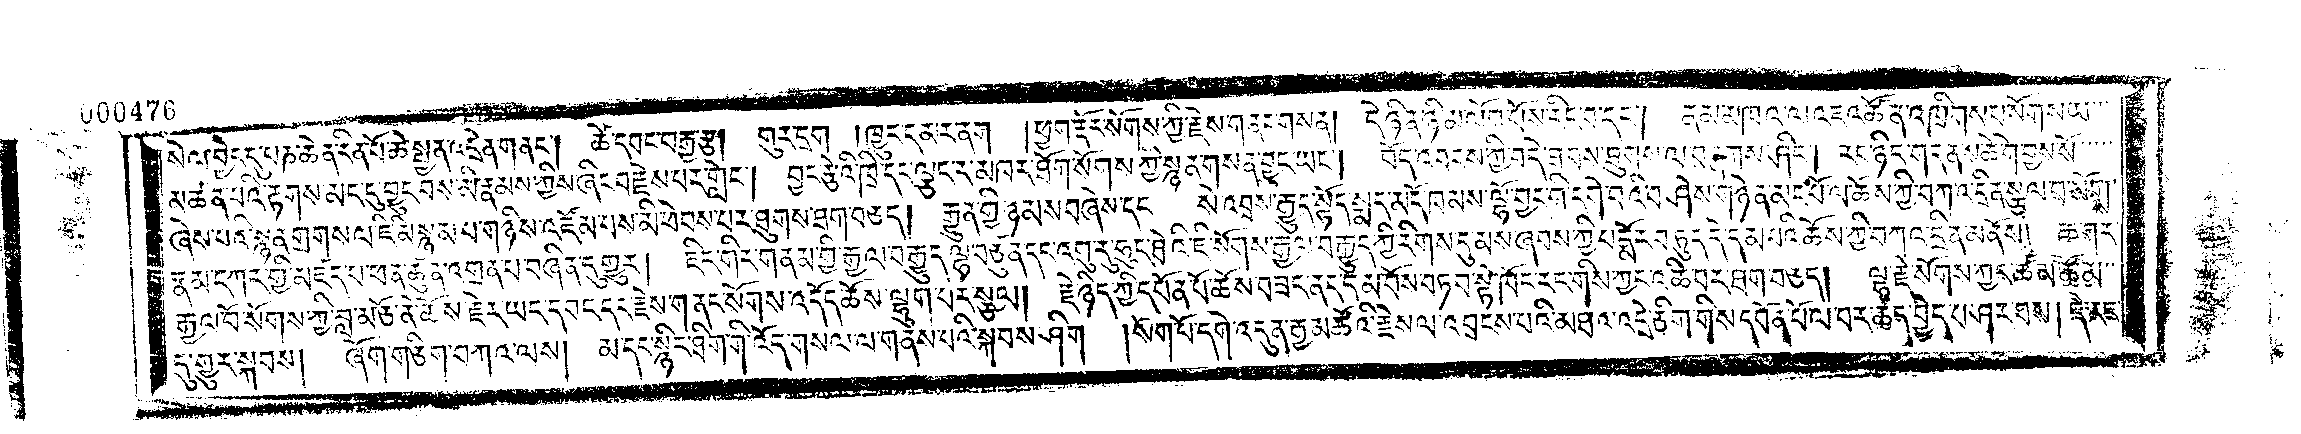སེལ་བྱེད་དུ་པཎ་ཆེན་རིན་པོ་ཆེ་སྤྱན་འདྲེན་གནང་། ཚེ་དབང་བརྒྱ་རྩ། གུར་དྲག །ཁྱུང་དམར་ནག །ཕྱག་རྡོར་སོགས་ཀྱི་རྗེས་གནང་གསན། དེ་ཉིན་ཉི་མ་ལོག་པོས་རིང་བ་དང་། ནམ་མཁའ་ལ་འཇའ་ཚོན་འཁྲིགས་པ་སོགས་ཡ་
མཚན་བའི་རྟགས་མང་དུ་བྱུང་བས་མི་རྣམས་ཀྱིས་ཞིང་བརྗེས་བར་གླེང་། བྱང་རྩེའི་ཁྲི་དང་ལྕང་ར་མཁར་ཐོག་སོགས་ཀྱི་སྙན་གསན་བྱུང་ཡང་། བོད་འབངས་ཀྱི་བདེ་ཐབས་ཐུགས་ལ་བརྣགས་ཤིང་། རང་ཉིད་གདན་ས་ཆེ་གེ་བྱས་སོ་
ཞེས་པའི་སྙན་གྲགས་ལ་ཇི་མི་སྙམ་པ་གཉིས་འཛོམ་པས་མི་ཕེབས་པར་ཐུགས་ཐག་བཅད། རྒྱུན་གྱི་ཉམས་བཞེས་དང་། སེ་འབྲས་རྒྱུད་སྟོད་སྨད་མདོ་ཁམས་ལྷོ་བྱང་གི་དགེ་བའི་བཤེས་གཉེན་མང་པོ་ལ་ཆོས་ཀྱི་བཀའ་དྲིན་སྩལ་པ་སོགས་
རྣམ་དཀར་གྱི་མཛད་པ་ཕན་ཚུན་འགྲན་པ་བཞིན་དུ་གྱུར། ཇིང་གིར་གནམ་གྱི་རྒྱལ་བརྒྱུད་ལྷ་བཙུན་དང་འགུ་རུ་ཧུང་ཐེའི་ཇི་སོགས་རྒྱལ་བརྒྱུད་ཀྱི་རིགས་དུ་མས་ཞབས་ཀྱི་པདམོར་བཏུད་དེ་དམ་པའི་ཆོས་ཀྱི་བཀའ་དྲིན་མནོས། ཆ་གར་
རྒྱལ་པོ་སོགས་ཀྱི་བླ་མ་ཅོ་ནེ་ཆོས་རྗེར་ཡང་དབང་དང་རྗེས་གནང་སོགས་འདོད་ཆོས་ལྷུག་པར་སྩལ། རྗེ་ཉིད་ཀྱི་དབོན་པོ་ཆོས་བཟང་ནད་དམ་བོས་བཏབ་སྟེ་ཁོང་རང་གིས་ཀྱང་འཆི་བར་ཐག་བཅད། ལྷ་རྗེ་སོགས་ཀྱང་ཚམ་ཚོམ་
དུ་གྱུར་སྐབས། ཞོག་གཅིག་བཀའ་ལས། མ་དང་སྙིང་ཐིག་གི་འོད་གསལ་ལ་གནས་པའི་སྐབས་ཤིག །སོག་པོ་དགེ་འདུན་རྒྱ་མཚོའི་རྗེས་ལ་འབྲངས་པའི་མཐའ་འདྲེ་ཅིག་གིས་དབོན་པོ་ལ་བར་ཆད་བྱེད་པ་ཤར་པས། དེ་རང་